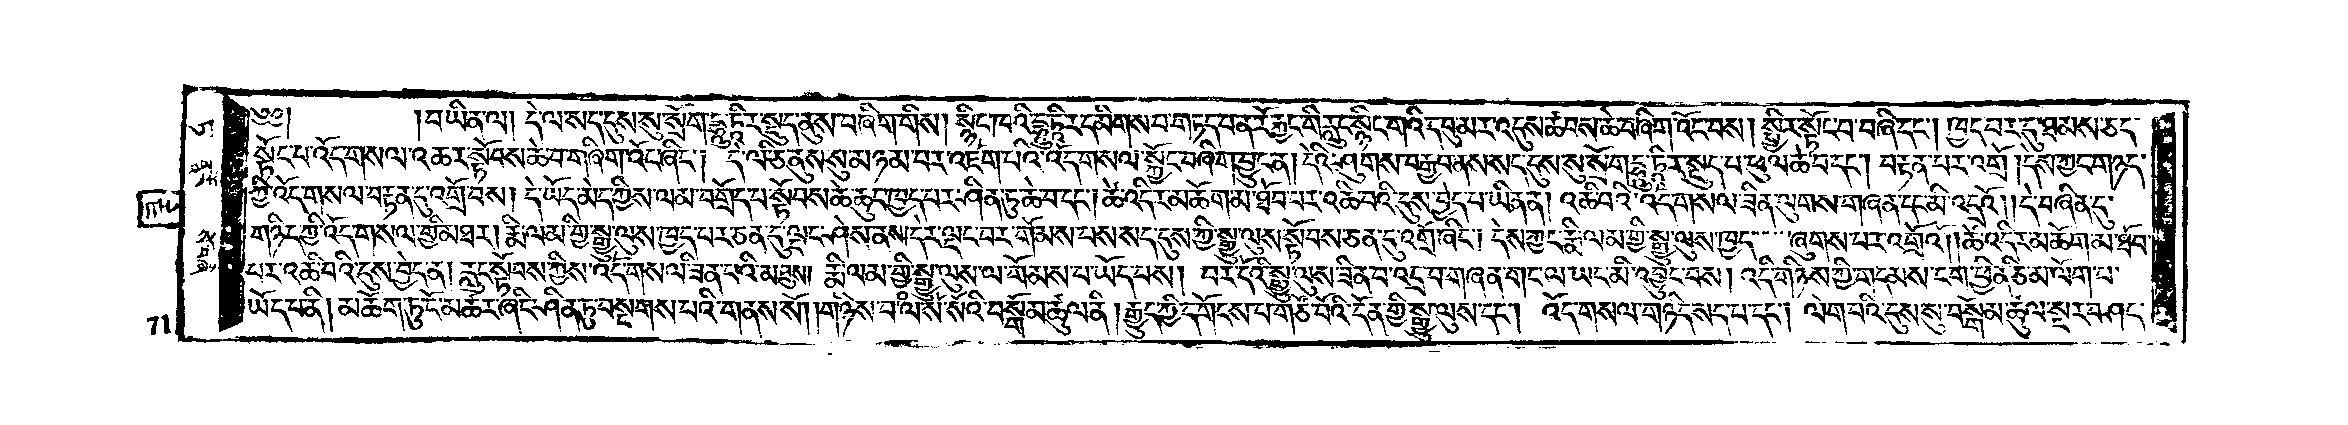༄༅། །བ་ཡིན་ལ། དེ་ལ་སད་དུས་སུ་སྲོག་དྷཱུ་ཏཱིར་སྡུད་ནུས་པ་ཞིག་གིས། སྙིང་ཁའི་དྷཱུ་ཏཱིར་དམིགས་པ་གཏད་པ་ན་རོ་རྐྱང་གི་རླུང་སྙིང་གའི་དབུ་མར་འདུས་ཚབས་ཆེ་བ་ཞིག་འོང་བས། སྤྱིར་སྟོང་པ་བཞི་དང་། ཁྱད་པར་དུ་ཐམས་ཅད་
སྟོང་པ་འོད་གསལ་འཆར་སྟོབས་ཆེ་བ་གཞིག་འོང་ཞིང་། དེ་ལ་ཅི་ནུས་སུ་མཉམ་པར་འཇོག་པའི་འོད་གསལ་སྐྱོང་བཞིག་བྱུང་ན། དེའི་ཤུགས་བརྒྱབ་ནས་སད་དུས་སུ་སྲོག་དྷཱུ་ཏཱིར་སྡུད་པ་ཕུལ་ཆེ་བ་དང་། བརྟན་པར་འགྲོ་།དེས་ཀྱང་གཉིད་
ཀྱི་འོད་གསལ་བརྟན་དུ་འགྲོ་བས། དེ་ཡོད་མེད་ཀྱིས་ལམ་བགྲོད་པ་སྟོབས་ཆེ་ཆུང་ཁྱད་པར་ཤིན་ཏུ་ཆེ་བ་དང་། ཚེ་འདིར་མཆོག་མ་ཐོབ་པར་འཆི་བའི་དུས་བྱད་པ་ཡིན་ན། འཆི་བའི་འོད་གསལ་ཟིན་ལུགས་གཞན་དང་མི་འདྲའོ། །དེ་བཞིན་དུ་
གཉིད་ཀྱི་འོད་གསལ་གྱི་མཐར། རྨི་ལམ་གྱི་སྒྱུ་ལུས་ཁྱད་པར་ཅན་དུ་ལྡང་ཤེས་ནས། དེར་ལྡང་བར་གོམས་པས་སད་དུས་ཀྱི་སྒྱུ་ལུས་སྟོབས་ཅན་དུ་འགྲོ་ཞིང་། དེས་ཀྱང་རྨི་ལམ་གྱི་སྒྱུ་ལུས་ཁྱད་ཞུགས་པར་འགྲོའོ། །ཚེ་འདིར་མཆོག་མ་ཐོབ་
པར་འཆི་བའི་དུས་བྱེད་ན། རླུང་སྟོབས་ཀྱིས་འོད་གསལ་ཟིན་པའི་མཐུས། རྨི་ལམ་གྱི་སྒྱུ་ལུས་ལ་གོམས་པ་ཡོད་པས། བར་དོའི་སྒྱུ་ལུས་ཟིན་པ་འདྲ་བ་གཞན་གང་ལ་ཡང་མི་འབྱུང་བས། འདི་གཉིས་ཀྱི་གདམས་ངག་ཕྱིན་ཅི་མ་ལོག་པ་
ཡོད་པ་ནི། མཆོག་ཏུ་ངོ་མཚར་ཞིང་ཤིན་ཏུ་བསྔགས་པའི་གནས་སོ། །གཉིས་པ་ལཾ་སོ་སོའི་བསྒོམ་ཚུལ་ནི། རྒྱུད་ཀྱི་དགོངས་པ་གཙོ་བོའི་དོན་གྱི་སྒྱུ་ལུས་དང་། འོད་གསལ་གཉིད་སད་པ་དང་། ལེག་པའི་དུས་སུ་བསྒོམ་ཚུལ་སྔར་བཤད་